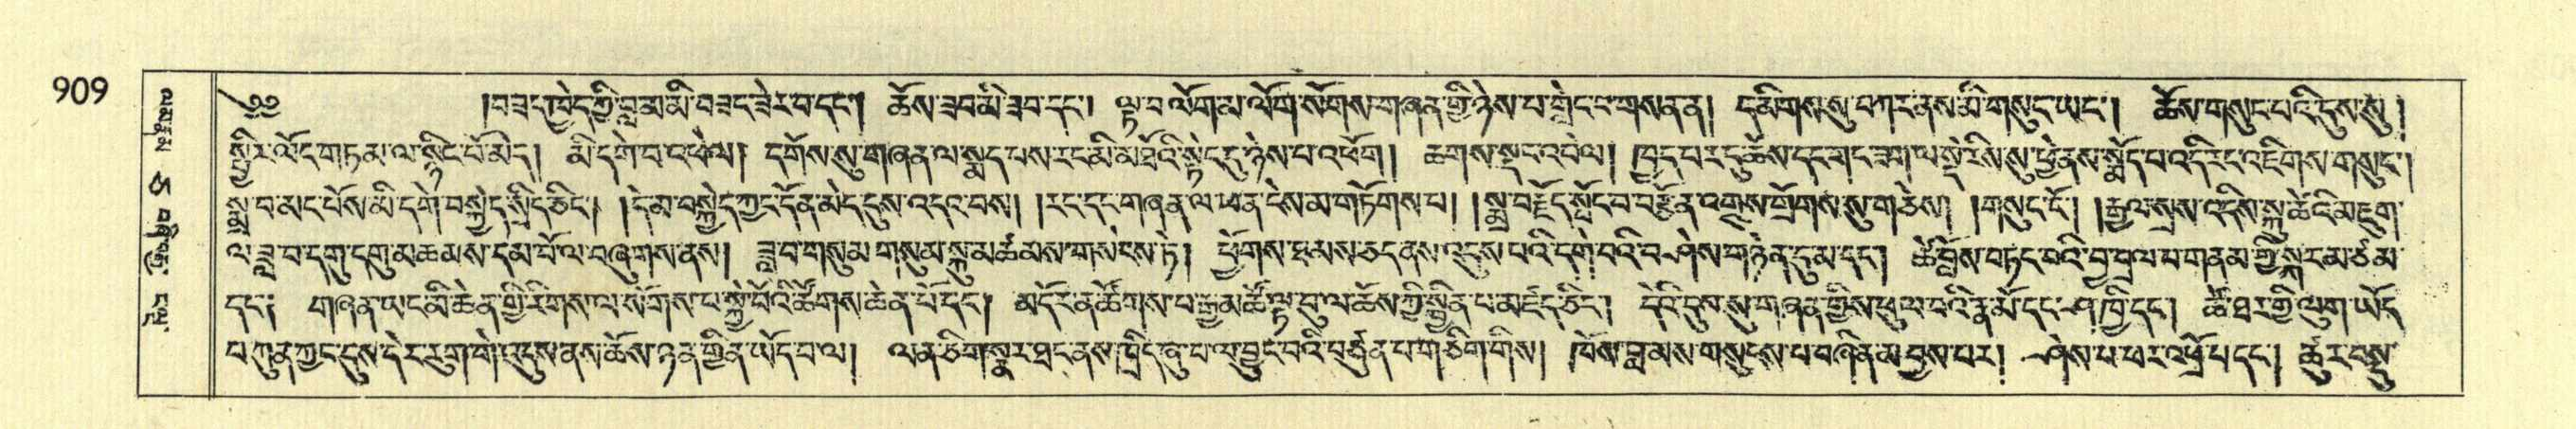༄༅། །བཟང་ཁྱེད་ཀྱི་བླ་མ་མི་བཟང་ཟེར་བ་དང་། ཆོས་ཟབ་མི་ཟབ་དང་། ལྟ་བ་ལོག་མ་ལོག་སོགས་གཞན་གྱི་ཉེས་པ་གླེང་བ་གསན་ན། དམིགས་སུ་བཀར་ནས་མི་གསུང་ཡང་། ཆོས་གསུང་པའི་དུས་སུ།
སྤྱིར་ལོང་གཏམ་ལ་སྙིང་པོ་མེད། མི་དགེ་བ་འཕེལ། དགོས་སུ་གཞན་ལ་སྨད་པས་རང་མི་མཐོའི་སྟེང་དུ་ཉེས་པ་འཕོག། ཆགས་སྡང་འབེལ། ཁྱད་པར་དུ་ཆོས་དང་གང་ཟག་ལ་སྡེ་རིས་སུ་ཕྱེ་ནས་སྨོད་པ་འདི་རང་འཇིགས་གསུང་།
སྨྲ་བ་མང་པོས་མི་དགེ་བསྐྱེད་སྲིད་ཅིང་། །དེ་མ་བསྐྱེད་ཀྱང་དོན་མེད་དུས་འདའ་བས། །རང་དང་གཞན་ལ་ཕན་ངེས་མ་གཏོགས་པ། །སྨྲ་བརྗོད་སྤོང་བ་བརྩོན་འགྲུས་གྲོགས་སུ་གཅེས། །གསུང་ངོ། །རྒྱལ་སྲས་འདིས་སྐུ་ཚེའི་མཇུག་
ལ་ཟླ་བ་དགུ་དགུ་མཆམས་དམ་པོ་ལ་བཞུགས་ནས། ཟླ་བ་གསུམ་གསུམ་སྐུ་མཚམས་གསེངས་ཏེ། ཕྱོགས་ཐམས་ཅད་ནས་འདུས་པའི་དགེ་བའི་བཤེས་གཉེན་དུ་མ་དང་། ཚེ་བློས་བཏང་བའི་བྱ་བྲལ་པ་གནམ་གྱི་སྐར་མ་ཙམ་
དང༑ གཞན་ཡང་མི་ཆེན་གྱི་རིགས་ལ་སོགས་པ་སྐྱེ་བོའི་ཚོགས་ཆེན་པོ་དང་། མདོར་ན་ཚོགས་བ་རྒྱ་མཚོ་ལྟ་བུ་ལ་ཆོས་ཀྱི་སྦྱིན་པ་མཛད་ཅིང་། དེའི་དུས་སུ་གཞན་གྱིས་ཕུལ་བའི་རྣ་མོ་དང་ཤ་ཁྱི་དང་། ཚེ་ཐར་གྱི་ལུག་ཡོད་
པ་ཀུན་ཀྱང་དུས་དེར་རུག་གེ་འདུས་ནས་ཆོས་ཉན་གྱིན་ཡོད་བ་ལ། ལན་ཅིག་སྣར་ཐང་ནས་ཁྲིད་ཞུ་པ་ལ་བྱུང་བའི་བཙུན་པ་གཅིག་གིས། ཁོས་བླ་མས་གསུང་པ་བཞིན་མ་བྱས་ཨར། ཤེས་པ་ཕར་འཕྲ་པ་དང་། ཚུར་བསྡུ་